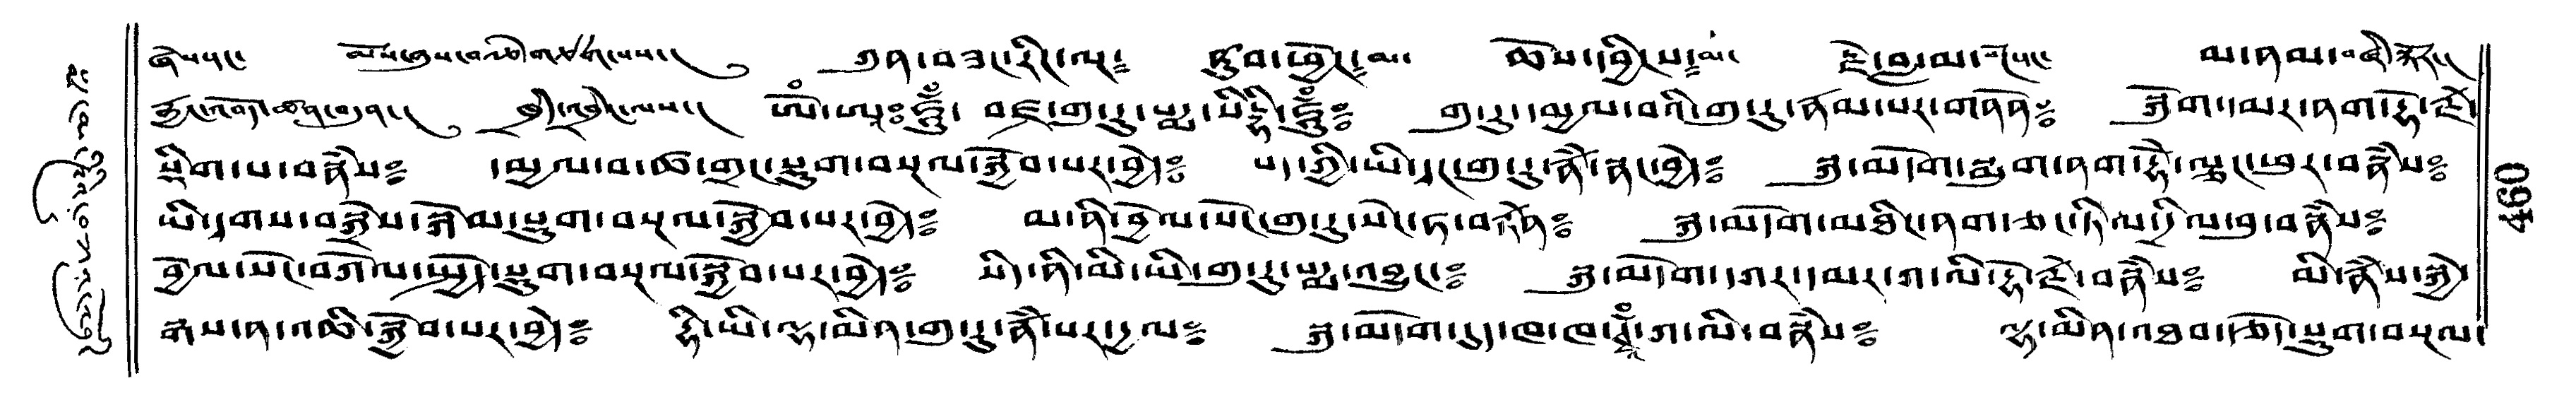ཞེས་དང་། མོས་གུས་རྩེ་གཅིག་པས། ཀུན་བཟང་རིགས་ལྔ༴ ནུབ་ཕྱོགས༴ མ། ཆོས་དབྱིངས༴ མ། རྗེ་བླ་མ༴ སོགས་དང་། མ་ནམ༴ བཞི་སྐོར། 
རྒྱང་འབོད་ཚན་བདུན། ཁྲིད་འབྲིང་ལས། ཨོཾ་ཨཱཿཧཱུྃ་བཛྲ་གུ་རུ་པདྨ་སིདྡྷི་ཧཱུྃ༔ གུ་རུ་དམྱལ་བའི་གུ་རུ་རྣམ་པར་གནོན༔ སྐུ་མདོག་དམར་ནག་རྡོ་རྗེ་
སྡིག་པ་བསྣམས༔ དམྱལ་བ་ཚ་གྲང་སྡུག་བསྔལ་སྐྱོབ་པར་བྱེད༔ པད་ཀྱི་ཡི་དྭགས་གུ་རུ་རྣམ་སྣང་བྱེད༔ སྐུ་མདོག་སྨུག་ནག་རྡོ་རྗེ་ལྕགས་ཕུར་བསྣམས༔ 
ཡི་དྭགས་བཀྲེས་སྐོམ་སྡུག་བསྔལ་སྐྱོབ་པར་བྱེད༔ མ་ནི་བྱོལ་སོང་གུ་རུ་སེང་ཧ་བརྟན༔ སྐུ་མདོག་མཐིང་ནག་ཅང་ཏེལ་དྲིལ་བུ་བསྣམས༔ 
བྱོལ་སོང་བཀོལ་སྤྱོད་སྡུག་བསྔལ་སྐྱོབ་པར་བྱེད༔ སིད་ནི་མི་ཡི་གུ་རུ་པདྨ་འབྱུང༔ སྐུ་མདོག་དཀར་དམར་ཀ་ལི་རྡོ་རྗེ་བསྣམས༔ མི་རྣམས་སྐྱེ་
རྒ་ན་འཆི་སྐྱོབ་པར་བྱེད༔ དྷི་ཡི་ལྷ་མིན་གུ་རུ་རྣམ་པར་རྒྱལ༔ སྐུ་མདོག་དུད་ཁ་ཁ་ཊྭྃ་ཀ་ལི་བསྣམས༔ ལྷ་མིན་འཐབ་རྩོད་སྡུག་བསྔལ་